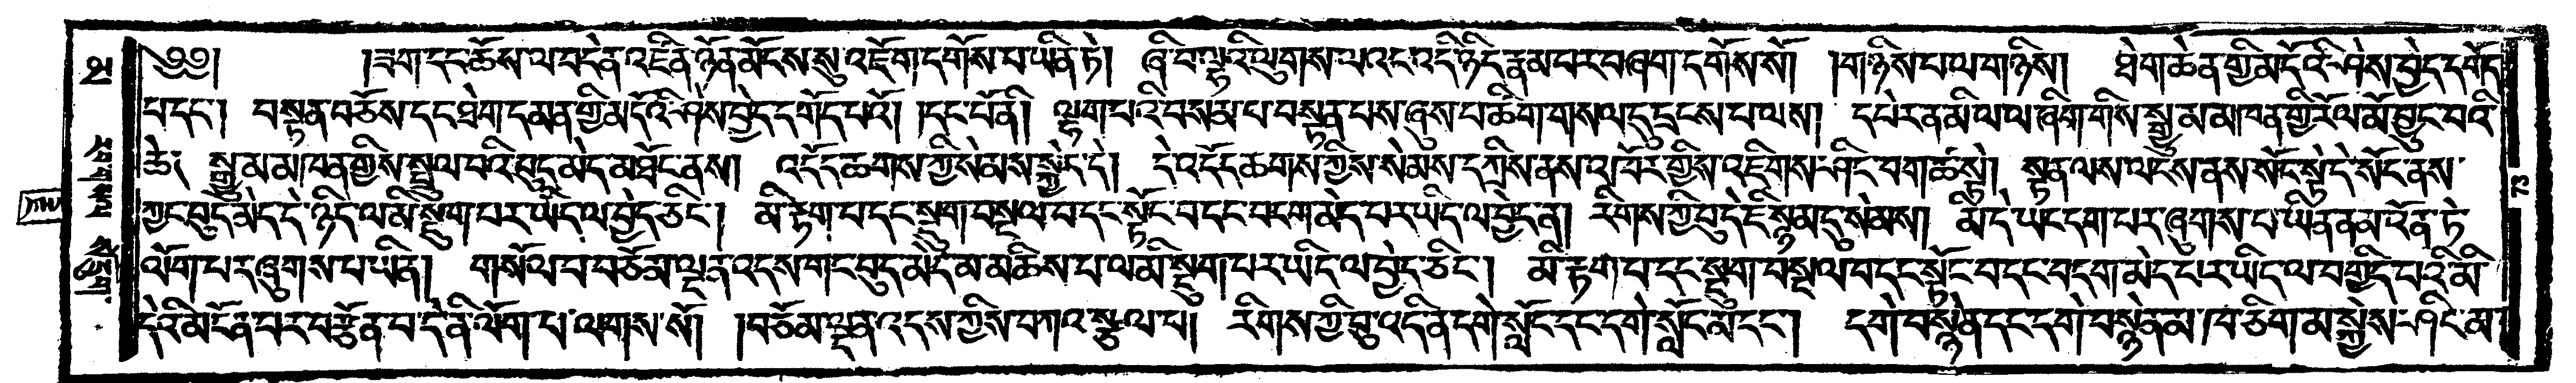༄༅། །ཟག་དང་ཆོས་ལ་བདེན་འཛིན་ཉོན་མོངས་སུ་འཇོག་དགོས་པ་ཡིན་ཏེ། ཞི་བ་ལྷའི་ལུགས་ལའང་འདི་ཉིད་རྣམ་པར་བཞག་དགོས་སོ། །གཉིས་པ་ལ་གཉིས། ཐེག་ཆེན་གྱི་མདོའི་ཤེས་བྱེད་དགོད་
པ་དང་། བསྟན་བཅོས་དང་ཐེག་དམན་གྱི་མདོའི་ཤེས་བྱེད་དགོད་པའོ། །དང་པོ་ནི། ལྷག་པའི་བསམ་པ་བསྟན་པས་ཞུས་པ་ཚིག་གསལ་དུ་དྲངས་པ་ལས། དཔེར་ན་མི་ལ་ལ་ཞིག་གིས་སྒྱུ་མ་མཁན་གྱི་རོལ་མོ་བྱུང་བའི་
ཚེ༑ སྒྱུ་མ་མཁན་གྱིས་སྤྲུལ་པའི་བུད་མེད་མཐོང་ནས། འདོད་ཆགས་ཀྱི་སེམས་སྐྱེད་དེ། དེ་འདོད་ཆགས་ཀྱིས་སེམས་དཀྲིས་ནས་འཁོར་གྱིས་འཇིགས་ཤིང་བག་ཚ་སྟེ། སྟན་ལས་ལངས་ནས་སོང་སྟེ་དེ་སོང་ནས་
ཀྱང་བུད་མེད་དེ་ཉིད་ལ་མི་སྡུག་པར་ཡིད་ལ་བྱེད་ཅིང་། མི་རྟག་པ་དང་སྡུག་བསྔལ་བ་དང་སྟོང་པ་དང་བདག་མེད་པར་ཡིད་ལ་བྱེད་ན། རིགས་ཀྱི་བུ་དེ་ཇི་སྙམ་དུ་སེམས། མི་དེ་ཡང་དག་པར་ཞུགས་པ་ཡིན་ནམ་འོན་ཏེ་
ལོག་པར་ཞུགས་པ་ཡིན། གསོལ་བ་བཅོམ་ལྡན་འདས་གང་བུད་མེད་མ་མཆིས་པ་ལ་མི་སྡུག་པར་ཡིད་ལ་བྱེད་ཅིང་། མི་རྟག་པ་དང་སྡུག་བསྔལ་བ་དང་སྟོང་པ་དང་། བདག་མེད་པར་ཡིད་ལ་བགྱིད་པའི་མི་
དེའི་མངོན་པར་བརྩོན་པ་དེ་ནི་ལོག་པ་ལགས་སོ། །བཅོམ་ལྡན་འདས་ཀྱིས་བཀའ་སྩལ་པ། རིགས་ཀྱི་བུ་འདི་ན་དགེ་སློང་དང་དགེ་སློང་མ་དང་། དགེ་བསྙེན་དང་དགེ་བསྙེན་མ་ཁ་ཅིག་མ་སྐྱེས་ཤིང་མ་